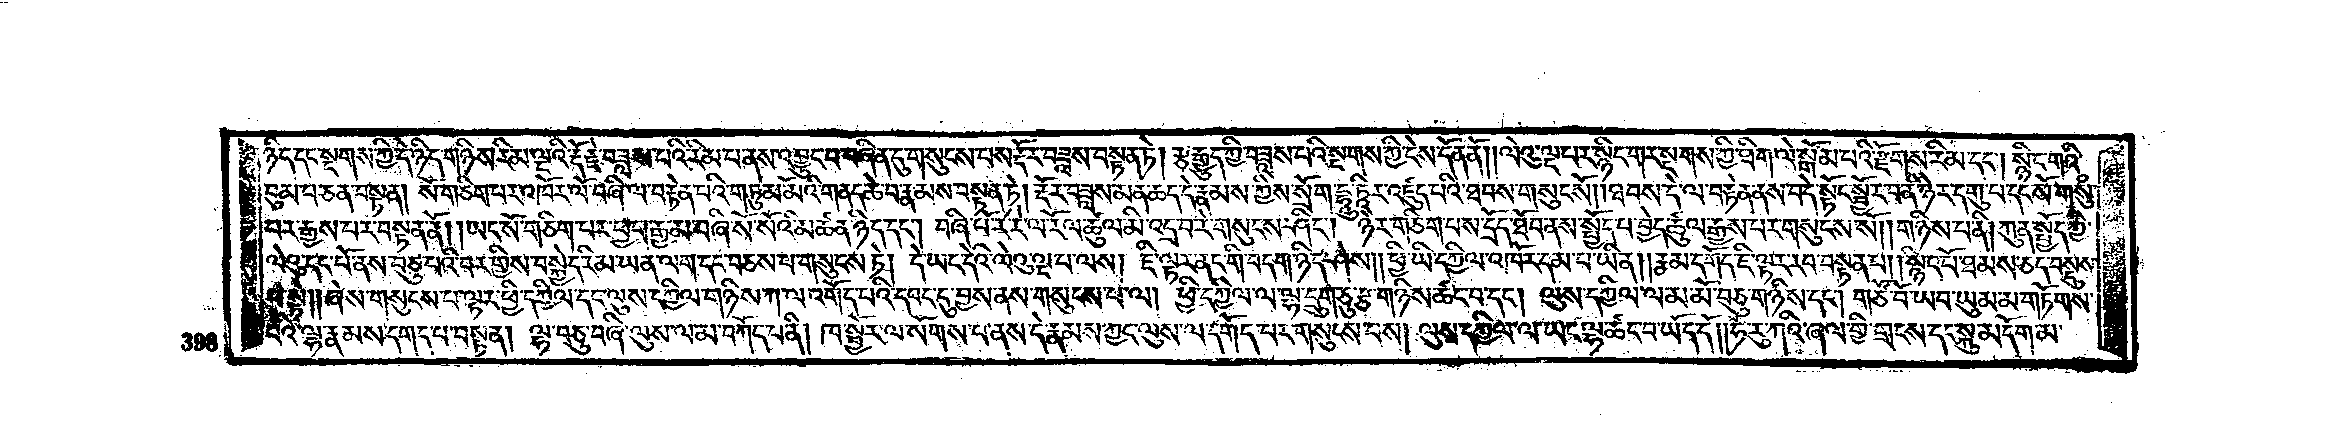ཉིད་དང་སྔགས་ཀྱི་དེ་ཉིད་གཉིས་རིམ་ལྔའི་རྡོ་རྗེ་བཟླས་པའི་རིམ་པ་ནས་འབྱུང་བ་བཞིན་དུ་གསུངས་པས་རྡོར་བཟླས་བསྟན་ཏེ། རྩ་རྒྱུད་ཀྱི་བཟླས་པའི་སྔགས་ཀྱི་ངེས་དོན་ནོ། །ལེའུ་ལྔ་པར་སྙིང་གར་སྔགས་ཀྱི་ཐིག་ལེ་སྒོམ་པའི་རྫོགས་རིམ་དང་། སྙིང་གའི་
བུམ་པ་ཅན་བསྟན། སོ་གཅིག་པར་འཁོར་ལོ་བཞི་ལ་བརྟེན་པའི་གཏུམ་མོའི་གནད་ཆེ་བ་རྣམས་བསྟན་ཏེ། རྡོར་བཟླས་མན་ཆད་དེ་རྣམས་ཀྱིས་སྲོག་དྷཱུ་ཏཱིར་འཛུད་པའི་ཐབས་གསུངས་སོ། །ཐབས་དེ་ལ་བརྟེན་ནས་བདེ་སྟོང་སྦྱོར་བ་ནི་ཉེར་དགུ་པ་དང་སོ་གསུམ་
པར་རྒྱས་པར་བསྟན་ནོ། །ཡང་སོ་གཅིག་པར་ཕྱག་རྒྱ་མ་བཞི་སོ་སོའི་མཚན་ཉིད་དང་། བཞི་པོ་རེ་རེ་ལ་རོལ་ཚུལ་མི་འདྲ་བ་རེ་གསུངས་ཤིང་། ཉེར་གཅིག་པས་དྲོད་ཐོབ་ནས་སྤྱོད་པ་བྱེད་ཚུལ་རྒྱས་པར་གསུངས་སོ། །གཉིས་པ་ནི། ཀུན་སྤྱོད་ཀྱི་
ལེའུ་དང་པོ་ནས་བཅུ་པའི་བར་གྱིས་བསྐྱེད་རིམ་ཡན་ལག་དང་བཅས་པ་གསུངས་ཏེ། དེ་ཡང་དེའི་ལེའུ་ལྔ་པ་ལས། ཇི་ལྟར་ནང་གི་བདག་ཉིད་ཤེས། །ཕྱི་ཡི་དཀྱིལ་འཁོར་དམ་པ་ཡིན། །རྣམ་དགོད་ཇི་ལྟར་རབ་བསྟན་པ། །སྙིང་པོ་ཐམས་ཅད་བསྡུས་
པ་སྟེ། །ཞེས་གསུངས་པ་ལྟར་ཕྱི་དཀྱིལ་དང་ལུས་དཀྱིལ་གཉིས་ཀ་ལ་འགོད་པའི་དབང་དུ་བྱས་ནས་གསུངས་པ་ལ། ཕྱི་དཀྱིལ་ལ་ལྷ་དྲུག་ཅུ་རྩ་གཉིས་ཚང་བ་དང་། ལུས་དཀྱིལ་ལ་མ་མོ་བཅུ་གཉིས་དང་། གཙོ་བོ་ཡབ་ཡུམ་མ་གཏོགས་
པའི་ལྷ་རྣམས་དགོད་པ་བསྟན། ལྷ་བཅུ་བཞི་ལུས་ལ་མ་བཀོད་པ་ནི། ཁ་སྦྱོར་ལ་སོགས་པ་ནས་དེ་རྣམས་ཀྱང་ལུས་ལ་དགོད་པར་གསུངས་པས། ལུས་དཀྱིལ་ལ་ཡང་ལྷ་ཚང་བ་ཡོད་དོ། །ཧེ་རུ་ཀའི་ཞལ་གྱི་གྲངས་དང་སྐུ་མདོག་མ་